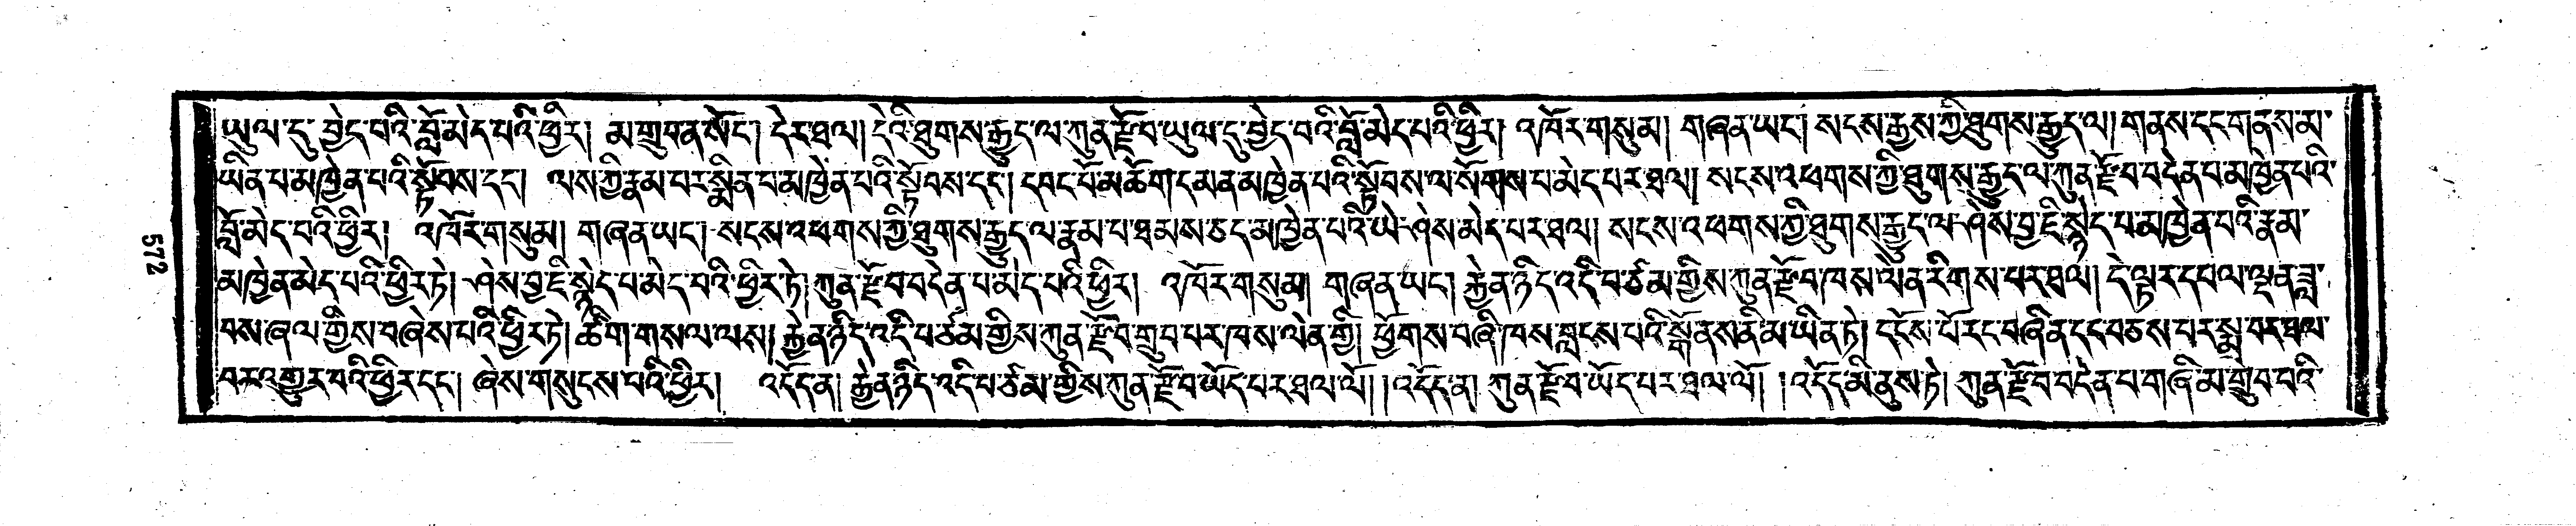ཡུལ་དུ་བྱེད་པའི་བློ་མེད་པའི་ཕྱིར། མ་གྲུབ་ན་སོང་། དེར་ཐལ། དེའི་ཐུགས་རྒྱུད་ལ་ཀུན་རྫོབ་ཡུལ་དུ་བྱེད་པའི་བློ་མེད་པའི་ཕྱིར། འཁོར་གསུམ། གཞན་ཡང་། སངས་རྒྱས་ཀྱི་ཐུགས་རྒྱུད་ལ། གནས་དང་གནས་མ་
ཡིན་པ་མཁྱེན་པའི་སྟོབས་དང་། ལས་ཀྱི་རྣམ་པར་སྨིན་པ་མཁྱེན་པའི་སྟོབས་དང་། དབང་པོ་མཆོག་དམན་མཁྱེན་པའི་སྟོབས་ལ་སོགས་པ་མེད་པར་ཐལ། སངས་འཕགས་ཀྱི་ཐུགས་རྒྱུད་ལ་ཀུན་རྫོབ་བདེན་པ་མཁྱེན་པའི་
བློ་མེད་པའི་ཕྱིར། འཁོར་གསུམ། གཞན་ཡང་། སངས་འཕགས་ཀྱི་ཐུགས་རྒྱུད་ལ་རྣམ་པ་ཐམས་ཅད་མཁྱེན་པའི་ཡེ་ཤེས་མེད་པར་ཐལ། སངས་འཕགས་ཀྱི་ཐུགས་རྒྱུད་ལ་ཤེས་བྱ་ཇི་སྙེད་པ་མཁྱེན་པའི་རྣམ་
མཁྱེན་མེད་པའི་ཕྱིར་ཏེ། ཤེས་བྱ་ཇི་སྙེད་པ་མེད་པའི་ཕྱིར་ཏེ། ཀུན་རྫོབ་བདེན་པ་མེད་པའི་ཕྱིར། འཁོར་གསུམ། གཞན་ཡང་། རྐྱེན་ཉིད་འདི་པ་ཙམ་གྱིས་ཀུན་རྫོབ་ཁས་ལེན་རིགས་པར་ཐལ། དེ་ལྟར་དཔལ་ལྡན་ཟླ་
བས་ཞལ་གྱིས་བཞེས་པའི་ཕྱིར་ཏེ། ཚིག་གསལ་ལས། རྐྱེན་ཉིད་འདི་པ་ཙམ་གྱིས་ཀུན་རྫོབ་གྲུབ་པར་ཁས་ལེན་གྱི། ཕྱོགས་བཞི་ཁས་བླངས་པའི་སྒོ་ནས་ནི་མ་ཡིན་ཏེ། དངོས་པོ་རང་བཞིན་དང་བཅས་པར་སྨྲ་བར་ཐལ་
བར་འགྱུར་བའི་ཕྱིར་དང་། ཞེས་གསུངས་པའི་ཕྱིར། འདོད་ན། རྐྱེན་ཉིད་འདི་པ་ཙམ་གྱིས་ཀུན་རྫོབ་ཡོད་པར་ཐལ་ལོ། །འདོད་ན། ཀུན་རྫོབ་ཡོད་པར་ཐལ་ལོ། །འདོད་མི་ནུས་ཏེ། ཀུན་རྫོབ་བདེན་པ་གཞི་མ་གྲུབ་པའི་